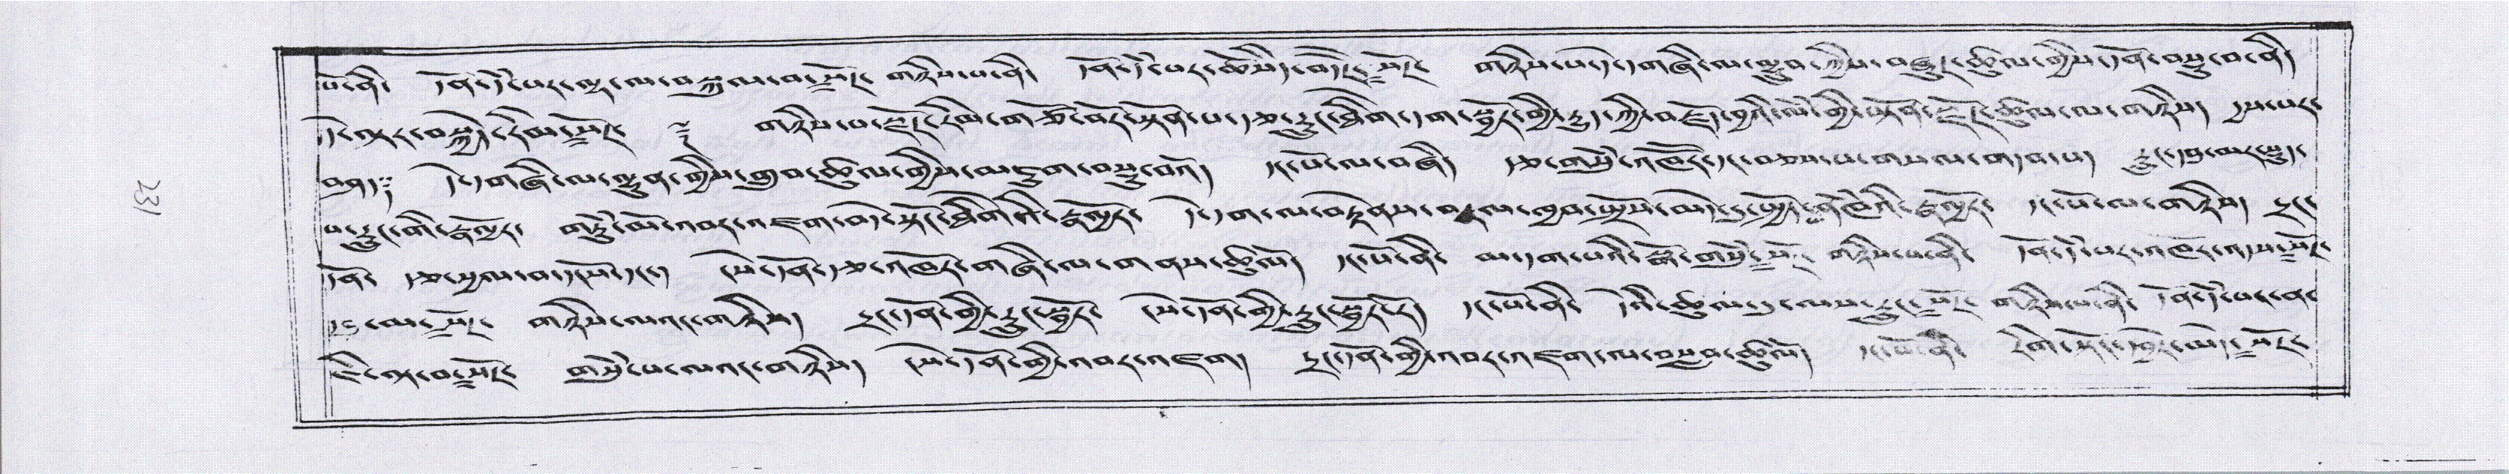པོ་ནི། དོན་དམ་པར་ལྷ་ལ་བསྐུལ་བ་སོགས། གཉིས་པ་ནི། དོན་དམ་པར་ཆོས་ཉིད་བདེར་གཤེགས་སོགས། གཉིས་པ་དེ་དག་གཞི་ལ་ལྷུན་གྲུབ་ཀྱིས་བཞུགས་ཚུལ་གྱིས་དོན་བསྡུ་བ་ནི། 
དེ་ལྟར་བསྐྱེད་རིམ་སོགས། ༑ གཉིས་པ་རྫོགས་རིམ་གཙོ་བོར་སྟོན་པ་རྩ་རླུང་ཐིག་ལེ་དག་སྦྱོར་གྱི་རྒྱུད་ཀྱི་བརྗོད་བྱའི་ལམ་གྱི་ཡོན་ཏན་རྫོགས་ཚུལ་ལ་གཉིས། རྒྱས་པར་
བཤད། དེ་དག་གཞི་ལ་ལྷུན་གྱིས་གྲུབ་ཚུལ་གྱིས་མཇུག་བསྡུ་བའོ། དང་པོ་ལ་བཞི། རྩ་གསུམ་འཁོར་ལོ་དང་བཅས་པ་གསལ་གདབ་པ། རླུང་དབུ་མར་སྡུད་
པ་རླུང་གི་རྣལ་འབྱོར། གཏུམ་མོ་འབར་འཛག་བདེ་སྟོང་ཐིག་ལེའི་རྣལ་འབྱོར། དེ་དག་ལ་བརྟེན་ནས་བརྡལ་ཁྱབ་སྤྲོས་མེད་དུ་སྤྱོད་པ་ནམ་མཁའི་རྣལ་འབྱོར། དང་པོ་ལ་གཉིས། དྲང་
དོན། རྩ་གསུལ་བ་དངོས་དང། ངེས་དོན་རྩ་འཁོར་གཞི་ལ་གནས་ཚུལ་ལོ། དང་པོ་ནི། མ་དག་པའི་སྒོ་གསུམ་སོགས། གཉིས་པ་ནི། དོན་དམ་པར་འཁོར་འདས་སོགས། 
དབུ་མ་སོགས། གཉིས་ལའངས་གཉིས། དྲང་དོན་གྱི་རླུང་སྦྱོར། ངེས་དོན་གྱི་རླུང་སྦྱོར་རོ། དང་པོ་ནི། དེའི་ཚུལ་དུ་ལས་རླུང་སོགས། གཉིས་པ་ནི། དོན་དམ་པར་ན་
ཇི་ལྟ་བ་སོགས། གསུམ་པ་ལའང་གཉིས། ངེས་དོན་གྱི་འབར་འཛག དྲང་དོན་གྱི་འབར་འཛག་ལ་བསླབ་ཚུལ་ལོ། དང་པོ་ནི། རིག་སྟོང་དབྱེར་མེད་སོགས་